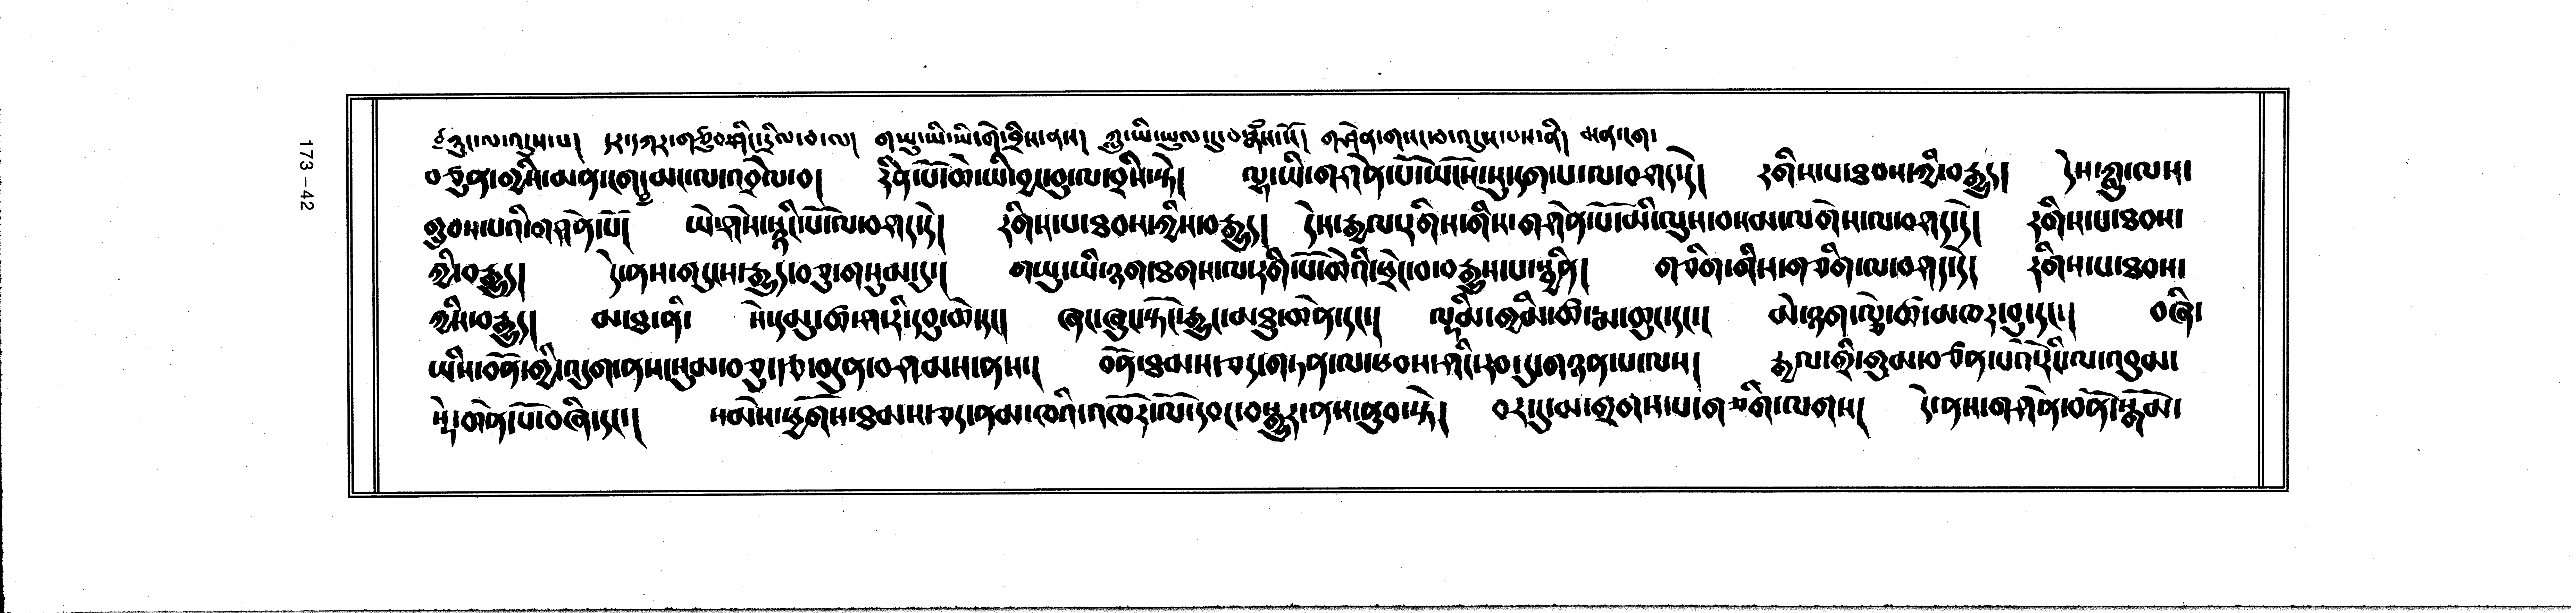དར་དཀར་བཙུབ་ཤིང་གིས་དྲིལ་བ་ལ། གཡུ་ཡི་ཡི་གེ་བྲིས་ནས། ཀླུ་ཡི་ཡུལ་དུ་བསྣམས་སོ། གཤེན་གསང་བ་འདུས་པས་ནི། མན་ངག
བཙུན་གྱིས་མན་ངག་ཉུང་ལ་འདུས་པ།་མང་ལ་འབྲེལ་བ། རིན་པོ་ཆེ་ཡི་བྱང་བུ་ལ་བྲིས་ཏེ། ལྷ་ཡི་གཤེན་པོ་ཡོངས་སུ་དག་པ་ལ་བཤད་དེ། རིག་པ་ཐབས་ཀྱི་བརྒྱུད། དེ་ནས་གདུང་བརྒྱུད་
ཁྲུབས་པའི་གཤོན་པོ། ཡེ་ཤེས་སྙིང་པོ་ལ་བཤད་དེ་ རིགས་པ་ཐབས་ཀྱིས་བརྒྱད། དེས་རྒྱལ་རིག་གིས་གཤེས་པོ་མི་ལུས་བ་ལོེགས་ལ་བཤད་དེ་། རིག་པ་ཐབས་
ཀྱིས་བརྒྱུད། མ་ཐ་ནི། སེ་དམུ་ཚ་ཤ་རི་དབུ་ཆེ་དང་། ཞང་ཞུང་སྟོང་རྒྱུང་མཐུ་ཆེ་དང་། ལྡེམ་གྱིམ་ཚ་རྨ་ཆུང་དང་། མེ་ཉག་ལྕེ་ཚ་མཁར་བུ་དང་། བཞི་
ཡིས་བོན་གྱི་འདུ་གནས་སུམ་ཅུ་རྩ་བདུན་བཤམས་ནས། བོན་ཐམས་ཅད་གཏན་ལ་ཕབས་ཤིང་རབ་ཏུ་གཉན་པ་ལས། རྒྱལ་གྲི་གུམ་བཙན་པོའི་རིང་ལ་འབུམ་
སྡེ་ཆེན་པོ་བཞི་དང་། སེམས་ཕྱོགས་ཐམས་ཅད་ནམ་མཁའི་འཁོར་ལོ་དབང་བསྒྱུར་ནས་ནུབ་སྟེ། བར་དུ་མ་གྲགས་པ་གཅིག་ལགས། དེ་ནས་གཤེན་བོན་སྒོམ་